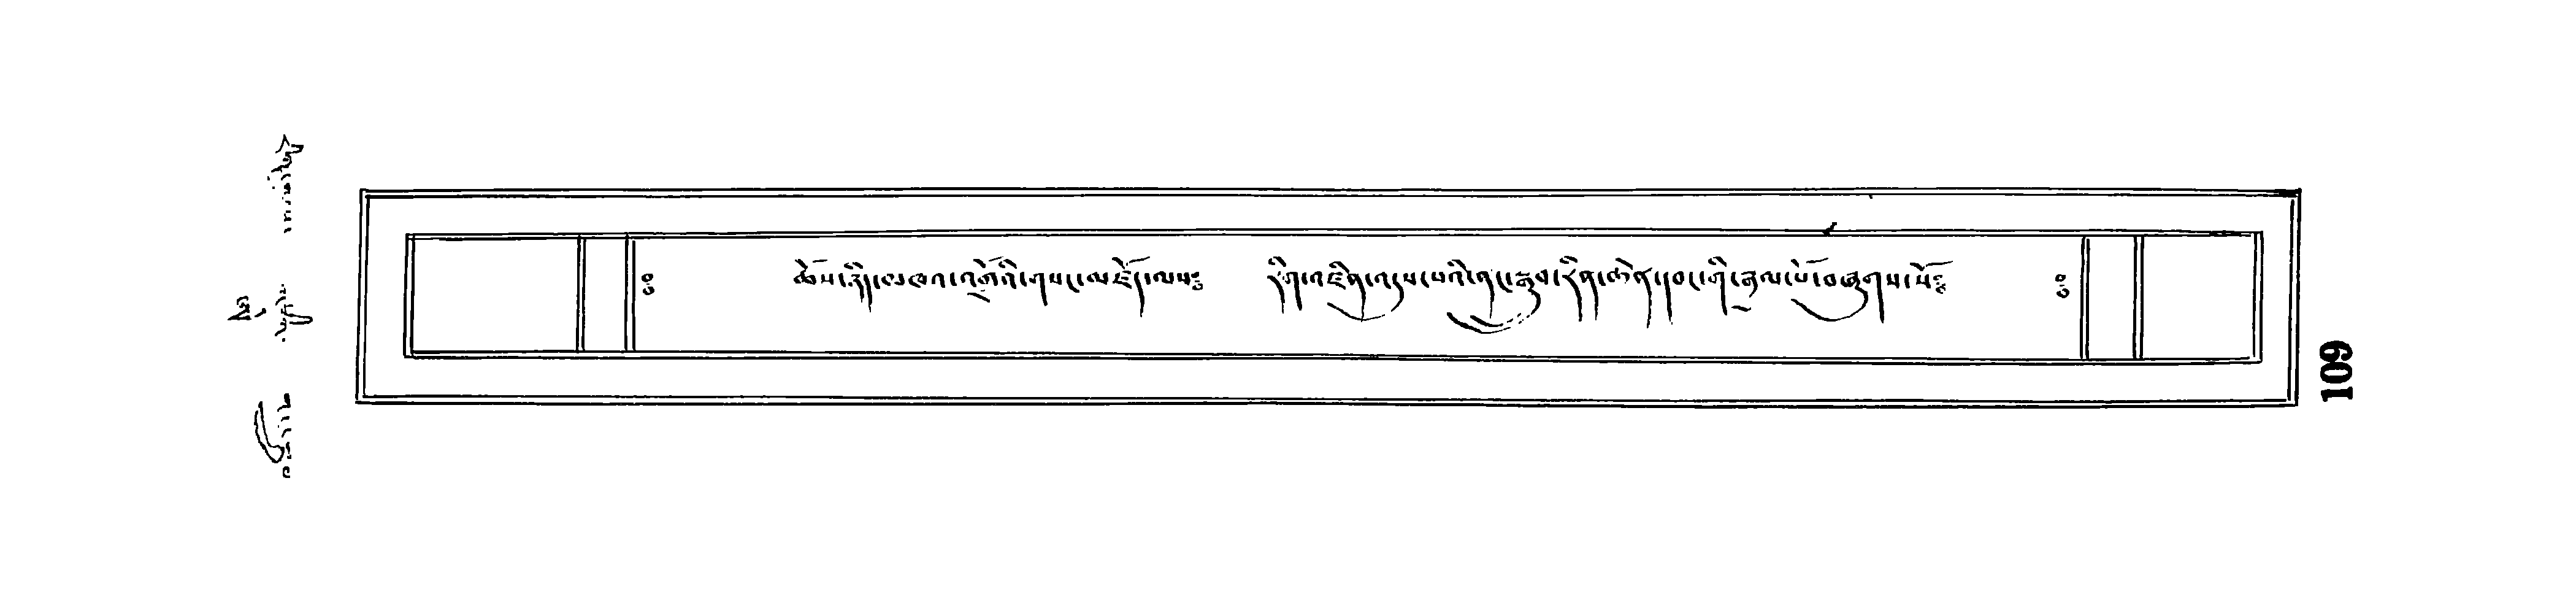ཆོས་ཉིད་མཁའ་འགྲོའི་གསང་མཛོད་ལས༔ རིག་འཛིན་འདུས་པའི་ནང་སྒྲུབ་རིན་ཆེན་དབང་གི་རྒྱལ་པོ་བཞུགས་སོ༔